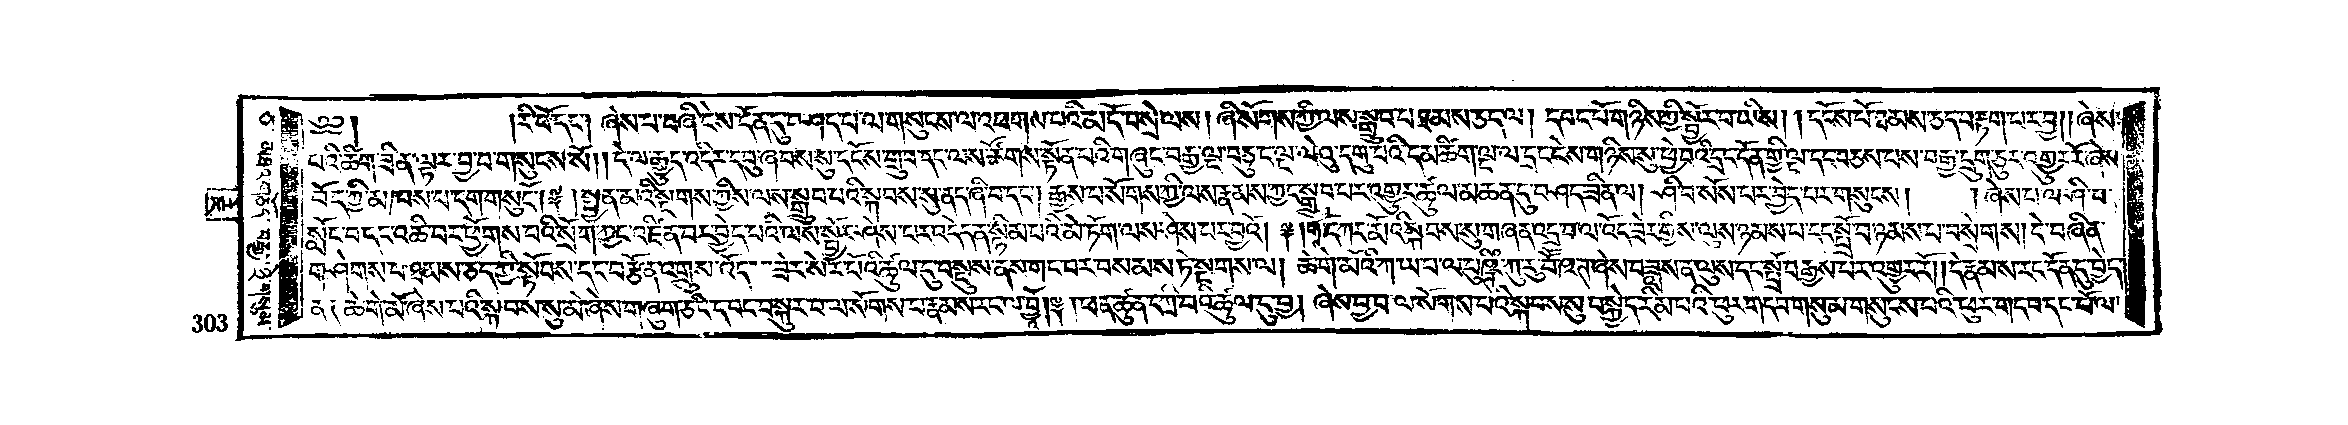༄༅། །རི་བོ་དང་། ཞེས་པ་བཞི་ངེས་དོན་དུ་བཤད་པ་ལ་གསུངས་ལ་འཕགས་པའི་མདོ་བསྲེ་ལས། ཞི་སོགས་ཀྱི་ལས་སྒྲུབ་པ་ཐམས་ཅད་ལ། དབང་པོ་གཉིས་ཀྱི་སྦྱོར་བ་ཡིས། །དངོས་པོ་ཐམས་ཅད་བརྟག་པར་བྱ། །ཞེས་
པའི་ཚིག་ཟིན་ལྟར་བྱ་བ་གསུངས་སོ། །དེ་ལ་རྒྱུད་འདིར་དབུ་ཞབས་སུ་དངོས་གྲུབ་དང་ལས་ཚོགས་སྟོན་པའི་གཞུང་བརྒྱ་ལྔ་བཅུ་ང་ལྔ་ལེའུ་དགུ་པའི་དམ་ཚིག་ལྔ་ལ་དྲང་ངེས་གཉིས་སུ་ཕྱེ་བའི་དྲང་དོན་གྱི་ལྔ་དང་བཅས་པས་བརྒྱ་དྲུག་ཅུར་འགྱུར་རོ་ཞེས་
བོད་ཀྱི་མཁས་པ་དག་གསུང་ངོ། ༈ །སྤྱན་མའི་སྔགས་ཀྱིས་ལས་སྒྲུབ་པའི་སྐབས་སུ་ནད་ཞི་བ་དང་། རྒྱས་པ་སོགས་ཀྱི་ལས་རྣམས་ཀྱང་སྒྲུབ་པར་འགྱུར་ཚུལ་མཚན་དུ་བཤད་ཟིན་ལ། ཤི་བ་སོས་པར་བྱེད་པར་གསུངས། །ཞེས་པ་ལ་ཤི་བ་
སློང་བ་དང་འཆི་བར་ཕྱོགས་པའི་སྲོག་ཀྱང་འཛིན་པར་བྱེད་པའི་ལས་སྦྱོར་ཤེས་པར་འདོད་ན་སྙིམ་པའི་མེ་ཏོག་ལས་ཤེས་པར་བྱའོ། ༈ །གོས་དཀར་མོའི་སྐབས་སུ་གཞན་འདྲ་བ་ལ་འོད་ཟེར་གྱིས་ལུས་ཉམས་པ་དང་སྤྲོ་བ་ཉམས་པ་བསྲེགས། དེ་བཞིན་
གཤེགས་པ་ཐམས་ཅད་ཀྱི་སྟོབས་དང་བརྩོན་འགྲུས་འོད་ཟེར་སེར་པོའི་ཚུལ་དུ་བསྡུས་ནས་གང་བར་བསམས་ཏེ་སྔགས་ལ། ཆེ་གེ་མོའི་ཀ་ཡབ་ལ་པུཥྚིཾ་ཀུ་རུ་བཽ་ཥ་ཊ་ཞེས་བཟླས་ན་ལུས་དང་སྤྲོ་བརྒྱས་པར་འགྱུར་རོ། །དེ་རྣམས་རང་དོན་དུ་བྱེད་
ན༑ ཆེ་གེ་མོ་ཞེས་པའི་སྐབས་སུ་མེ་ཞེས་གཞུག་ཅིང་དབང་བསྐུར་བ་ལ་སོགས་པ་རྣམས་རང་ལ་བྱའོ། ༈ །ཕན་ཚུན་དཀྲི་བའི་ཚུལ་དུ་བྱ། ཞེས་བྱ་བ་ལ་སོགས་པའི་སྐབས་སུ་བསྐྱེད་རིམ་པའི་ཕུར་གདབ་གསུམ་གསུངས་པའི་ཕུར་གདབ་དང་པོ་ལ་